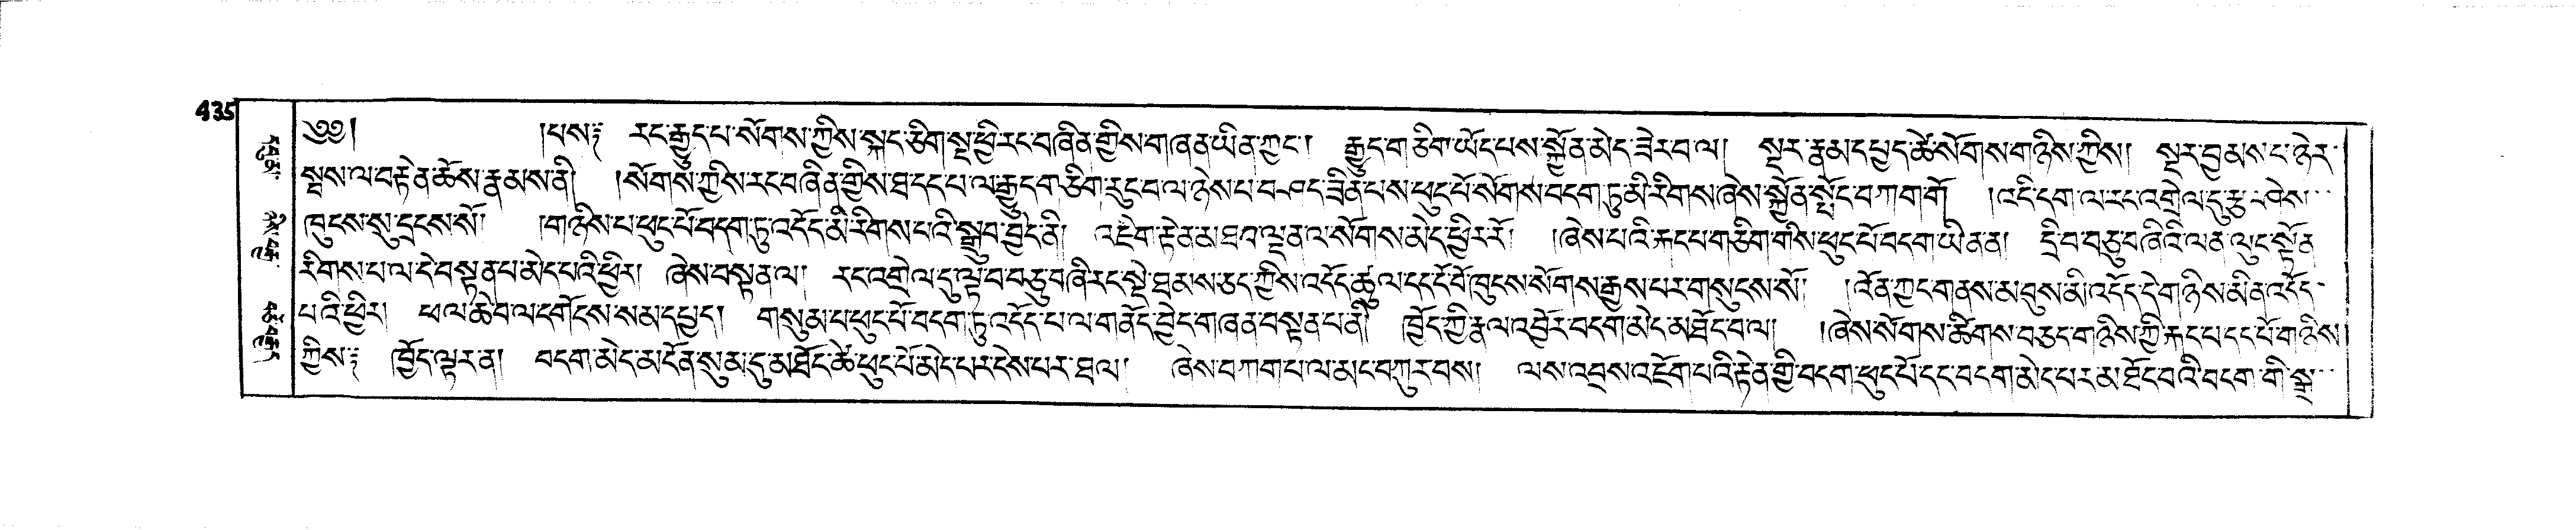༄༅། །པས། རང་རྒྱུད་པ་སོགས་ཀྱིས་སྐད་ཅིག་སྔ་ཕྱི་རང་བཞིན་གྱིས་གཞན་ཡིན་ཀྱང་། རྒྱུད་གཅིག་ཡོད་པས་སྐྱོན་མེད་ཟེར་བ་ལ། སྔར་རྣམ་དཔྱད་ཚེ་སོགས་གཉིས་ཀྱིས། སྔར་བྱམས་པ་ཉེར་
སྦས་ལ་བརྟེན་ཆོས་རྣམས་ནི། །སོགས་ཀྱིས་རང་བཞིན་གྱིས་ཐ་དད་པ་ལ་རྒྱུད་གཅིག་རུང་བ་ལ་ཉེས་པ་བཤད་ཟིན་པས་ཕུང་པོ་སོགས་བདག་ཏུ་མི་རིགས་ཞེས་སྐྱོན་སྤོང་བཀག་གོ །འདི་དག་ལ་རང་འགྲེལ་དུ་རྩ་ཤེས་
ཁུངས་སུ་དྲངས་སོ། །གཉིས་པ་ཕུང་པོ་བདག་ཏུ་འདོད་མི་རིགས་པའི་སྒྲུབ་བྱེད་ནི། འཇིག་རྟེན་མཐའ་ལྡན་ལ་སོགས་མེད་ཕྱིར་རོ། །ཞེས་པའི་རྐང་པ་གཅིག་གིས་ཕུང་པོ་བདག་ཡིན་ན། དྲི་བ་བཅུ་བཞིའི་ལན་ལུང་སྟོན་
རིགས་པ་ལ་དེ་བསྟན་པ་མེད་པའི་ཕྱིར། ཞེས་བསྟན་ལ། རང་འགྲེལ་དུ་ལྟ་བཅུ་བཞི་རང་སྡེ་ཐམས་ཅད་ཀྱིས་འདོད་ཚུལ་དང་ངོ་བོ་ཁུངས་སོགས་རྒྱས་པར་གསུངས་སོ། །འོན་ཀྱང་གནས་མ་བུས་མི་འདོད་དེ་གཉིས་མིན་འདོད་
པའི་ཕྱིར། ཕལ་ཆེ་བ་ལ་དགོངས་སམ་དཔྱད། གསུམ་པ་ཕུང་པོ་བདག་ཏུ་འདོད་པ་ལ་གནོད་བྱེད་གཞན་བསྟན་པ་ནི། ཁྱོད་ཀྱི་རྣལ་འབྱོར་བདག་མེད་མཐོང་བ་ལ། །ཞེས་སོགས་ཚིགས་བཅད་གཉིས་ཀྱི་རྐང་པ་དང་པོ་གཉིས་
ཀྱིས། ཁྱོད་ལྟར་ན། བདག་མེད་མངོན་སུམ་དུ་མཐོང་ཚེ་ཕུང་པོ་མེད་པར་ངེས་པར་ཐལ། ཞེས་བཀག་པ་ལ་མང་བཀུར་བས། ལས་འབྲས་འཇོག་པའི་རྟེན་གྱི་བདག་ཕུང་པོ་དང་བདག་མེད་པར་མཐོང་བའི་བདག་གི་སྒྲ་